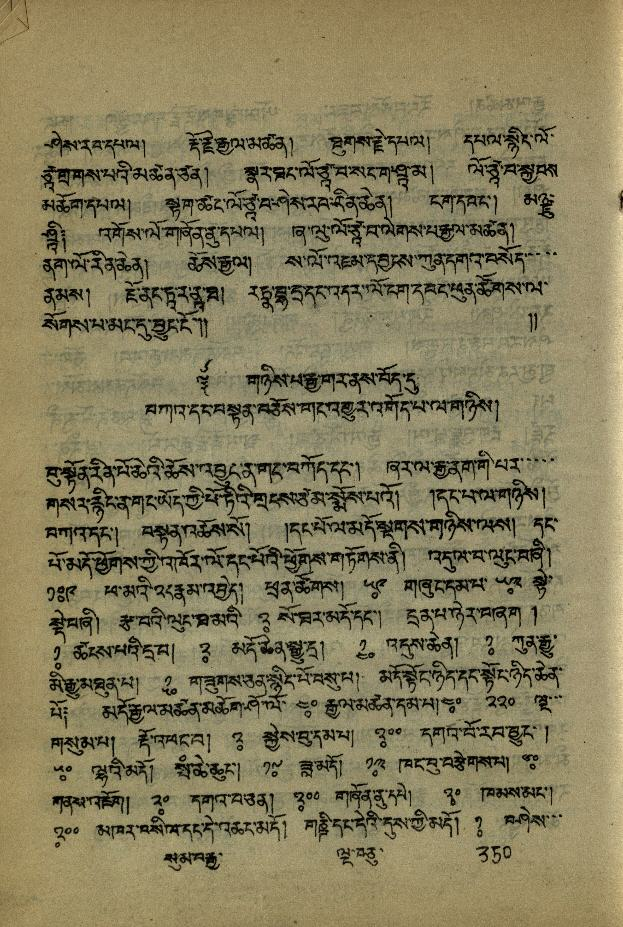ཤེས་རབ་དཔལ། རྡོ་རྗེ་རྒྱལ་མཚན། ཐུགས་རྗེ་དཔལ། དཔལ་སྙིང་ལོ་
ཙཱ་གྲགས་པའི་མཚན་ཙན། སྣར་ཐང་ལོ་ཙཱ་བ་སང་ག་ཤྲཱ་མ། ལོ་ཙཱ་བ་སྐྱབས་
མཆོག་དཔལ། སྟག་ཚང་ལོ་ཙཱ་བ་ཤེས་རབ་རིན་ཆེན། ངག་དབང་། མཉྫུ་
ཤྲཱི༑ འགོས་ལོ་གཞོན་ནུ་དཔལ། ཞ་ལུ་ལོ་ཙཱ་བ་ལེགས་པ་རྒྱལ་མཚན།
ནག་ལོ་རིན་ཆེན། ཆོས་རྒྱལ། ས་ལོ་འཇམ་དབྱངས་ཀུན་དགའ་བསོད་
ནམས། ཇོ་ནང་ཏཱ་ར་ནཱ་ཐ། རཏྣ་བྷ་དྲ་དང་འདར་ལོ་ངག་དབང་ཕུན་ཚོགས་ལ་
སོགས་པ་མང་དུ་བྱུང་ངོ།། །།
༈ གཉིས་པ་རྒྱ་གར་ནས་བོད་དུ་
བཀའ་དང་བསྟན་བཅོས་གང་འགྱུར་འགོད་པ་ལ་གཉིས།
བུ་སྟོན་རིན་པོ་ཆེའི་ཆོས་འབྱུང་ན་གང་བཀོད་དང་། ཞར་ལ་རྒྱ་ནག་གི་པར་
གསར་རྙིང་ན་གང་ཡོད་ཀྱི་པོ་ཏིའི་གྲངས་ཙམ་སྨོས་པའོ། །དང་པ་ལ་གཉིས།
བཀའ་དང་། བསྟན་འཆོས་སོ། །དང་པོ་ལ་མདོ་སྔགས་གཉིས་ལས། དང་
པོ་མདོ་ཕྱོགས་ཀྱི་འཁོར་ལོ་དང་པོའི་ཕྱོགས་གཏོགས་ནི། འདུལ་བ་ལུང་བཞི།
༡H༩་ཕ་མའི ༢༨་རྣམ་འབྱེད། ཕྲན་ཚོགས། ༥༩་གཞུང་དམ་པ ༥༣་སྟེ་
སྡེ་བཞི། རྩ་བའི་ལུང་ཐ་མའི ༢་སོ་ཐར་མདོ་དང་། དྲན་པ་ཉེར་བཞག།
༡་ཚངས་པའི་དྲ་བ། ༢་མདོ་ཆེན་སྒྱུ་དྲ། ༡་༤༠་འདུས་ཆེན། ༡་ཀུན་རྒྱུ་
མི་རྒྱུ་མཐུན་པ། ༡་༥༠་གཟུགས་ཅན་སྙིང་པོ་བསུ་པ། མདོ་སྟོང་ཉིད་དང་སྟོང་ཉིད་ཆེན་
པོ༑ མདོ་རྒྱལ་མཚན་མཆོག་ཤོ་ལོ ༤༠་རྒྱལ་མཚན་དམ་པ། ༤༠ ༢༢༠་ལྔ་
གསུམ་པ། རྡོ་འཕང་བ། ༢་སྐྱེས་བུ་དམ་པ། ༢༠༠་དགའ་བོ་རབ་བྱུང་།
༥༠་ལྷའི་མདོ། སྤཾ་ཆེ་ཆུང་། ༡༧་ཟླ་མདོ། ༡༣་ཁང་བུ་བརྩེགས་པ། ༦༠
གནས་འཇོག། ༢༠་དགའ་བ་ཅན། ༢༠༠་གཞོན་ནུ་དཔེ། ༢༠་ཁམས་མང་།
༢༠༠་མཁར་བསིལ་དང་དེ་འཆང་མདོ། གཎྜི་དང་དེའི་དུས་ཀྱི་མདོ། ༡་བཤེས་